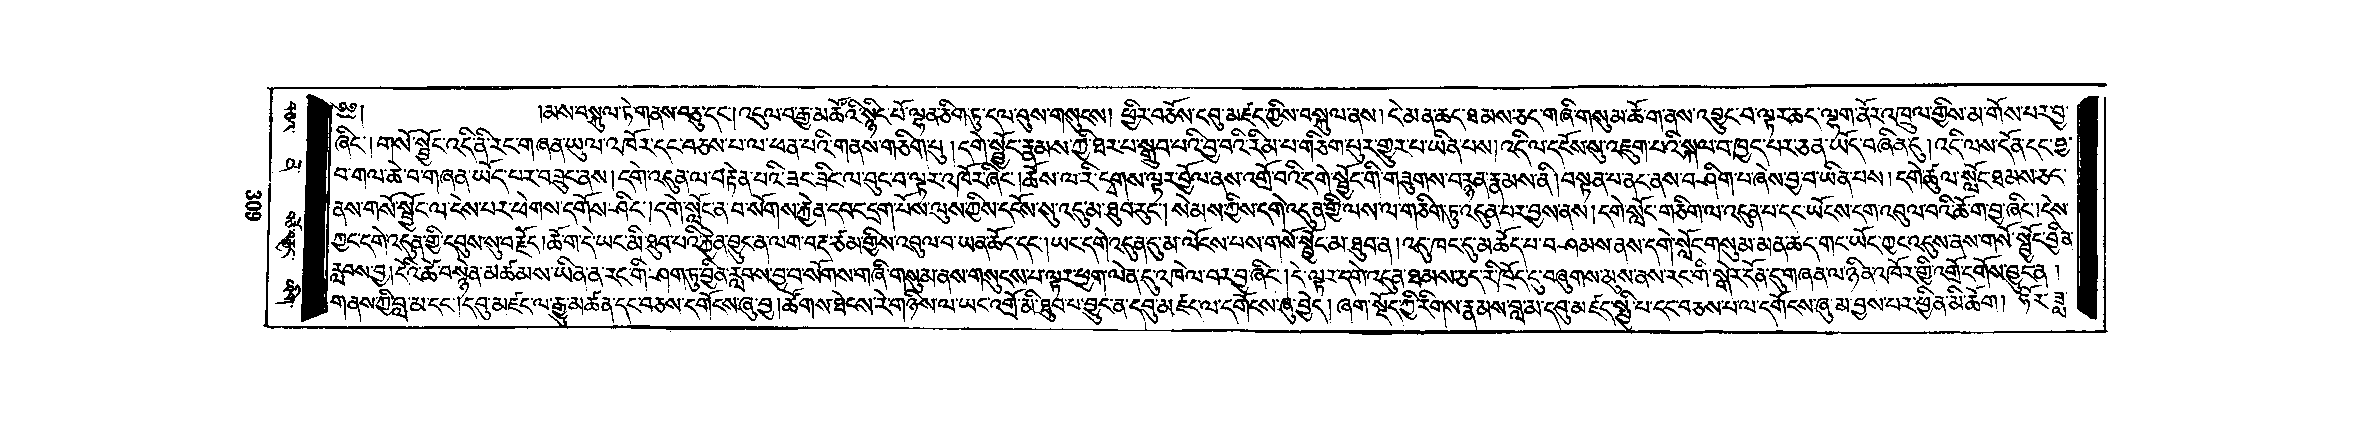༄༅། །མས་བསྐུལ་ཏེ་གནས་བཅུ་དང་། འདུལ་བ་རྒྱ་མཚོའི་སྙིང་པོ་ལྷན་ཅིག་ཏུ་དལ་བུས་གསུངས། ཕྱིར་བཅོས་དབུ་མཛད་ཀྱིས་བསྐུལ་ནས། དེ་མན་ཆད་ཐམས་ཅད་གཞི་གསུམ་ཆོ་ག་ནས་འབྱུང་བ་ལྟར་ཆད་ལྷག་ནོར་འཁྲུལ་གྱིས་མ་གོས་པར་བྱ་
ཞིང་། གསོ་སྦྱོང་འདི་ནི་རང་གཞན་ཡུལ་འཁོར་དང་བཅས་པ་ལ་ཕན་པའི་གནས་གཅིག་པུ། དགེ་སྦྱོང་རྣམས་ཀྱི་ཐར་པ་སྒྲུབ་པའི་བྱ་བའི་རིམ་པ་གཅིག་པུར་གྱུར་པ་ཡིན་པས། འདི་ལ་དངོས་སུ་འཇུག་པའི་སྐལ་བ་ཁྱད་པར་ཅན་ཡོད་བཞིན་དུ། འདི་ལས་དོན་དང་བྱ་
བ་གལ་ཆེ་བ་གཞན་ཡོད་པར་བཟུང་ནས། དགེ་འདུན་ལ་བརྟེན་པའི་ཟང་ཟིང་ལ་བུང་བ་ལྟར་འཁོར་ཞིང་། ཆོས་ལ་རི་དྭགས་ལྟར་བྱོལ་ནས་འགྲོ་བའི་དགེ་སྦྱོང་གི་གཟུགས་བརྙན་རྣམས་ནི། བསྟན་པ་ནང་ནས་བཤིག་པ་ཞེས་བྱ་བ་ཡིན་པས། དགེ་ཚུལ་སློང་ཐམས་ཅད་
ནས་གསོ་སྦྱོང་ལ་ངེས་པར་ཕེགས་དགོས་ཤིང་། དགེ་སློང་ན་བ་སོགས་རྐྱེན་དབང་དྲག་པོས་ལུས་ཀྱིས་དངོས་སུ་འདུ་མ་ཐུབ་རུང་། སེམས་ཀྱིས་དགེ་འདུན་གྱི་ལས་ལ་གཅིག་ཏུ་འདུན་པར་བྱས་ནས། དགེ་སློང་གཅིག་ལ་འདུན་པ་དང་ཡོངས་དག་འབུལ་བའི་ཆོ་ག་བྱ་ཞིང་། དེས་
ཀྱང་དགེ་འདུན་གྱི་དབུས་སུ་བརྗོད། ཆོ་ག་དེ་ཡང་མི་ཐུབ་པའི་རྐྱེན་བྱུང་ན་ལག་བརྡ་ཙམ་གྱིས་འབུལ་བ་ཡན་ཆོད་དང་། ཡང་དགེ་འདུན་དུ་མ་ལོངས་པས་གསོ་སྦྱོང་མ་ཐུབ་ན། འདུ་ཁང་དུ་མཆོད་པ་བཤམས་ནས་དགེ་སློང་གསུམ་མན་ཆད་གང་ཡོད་ཀྱང་འདུས་ནས་གསོ་སྦྱོང་བྱིན་
རླབས་བྱ། དེའི་ཚེ་བསྙེན་མཚམས་ཡིན་ན་རང་གི་ཤག་ཏུ་བྱིན་རླབས་བྱ་བ་སོགས་གཞི་གསུམ་ནས་གསུངས་པ་ལྟར་ཕྱག་ལེན་དུ་འཁེལ་བར་བྱ་ཞིང་། དེ་ལྟར་དགེ་འདུན་ཐམས་ཅད་རི་ཁྲོད་དུ་བཞུགས་མུས་ནས་རང་གི་སྒེར་དོན་དུ་གཞན་ལ་ཉིན་འཁོར་གྱི་འགྲོ་དགོས་བྱུང་ན།
གནས་ཀྱི་བླ་མ་དང་། དབུ་མཛད་ལ་རྒྱུ་མཚན་དང་བཅས་དགོངས་ཞུ་བྱ། ཚོགས་ཐེངས་རེ་གཉིས་ལ་ཡང་འགྲོ་མི་ཐུབ་པ་བྱུང་ན་དབུ་མཛད་ལ་དགོངས་ཞུ་བྱེད། ཞག་སྡོད་ཀྱི་རིགས་རྣམས་བླ་མ་དབུ་མཛད་སྤྱི་པ་དང་བཅས་པ་ལ་དགོངས་ཞུ་མ་བྱས་པར་ཕྱིན་མི་ཆོག །ཧོར་ཟླ་